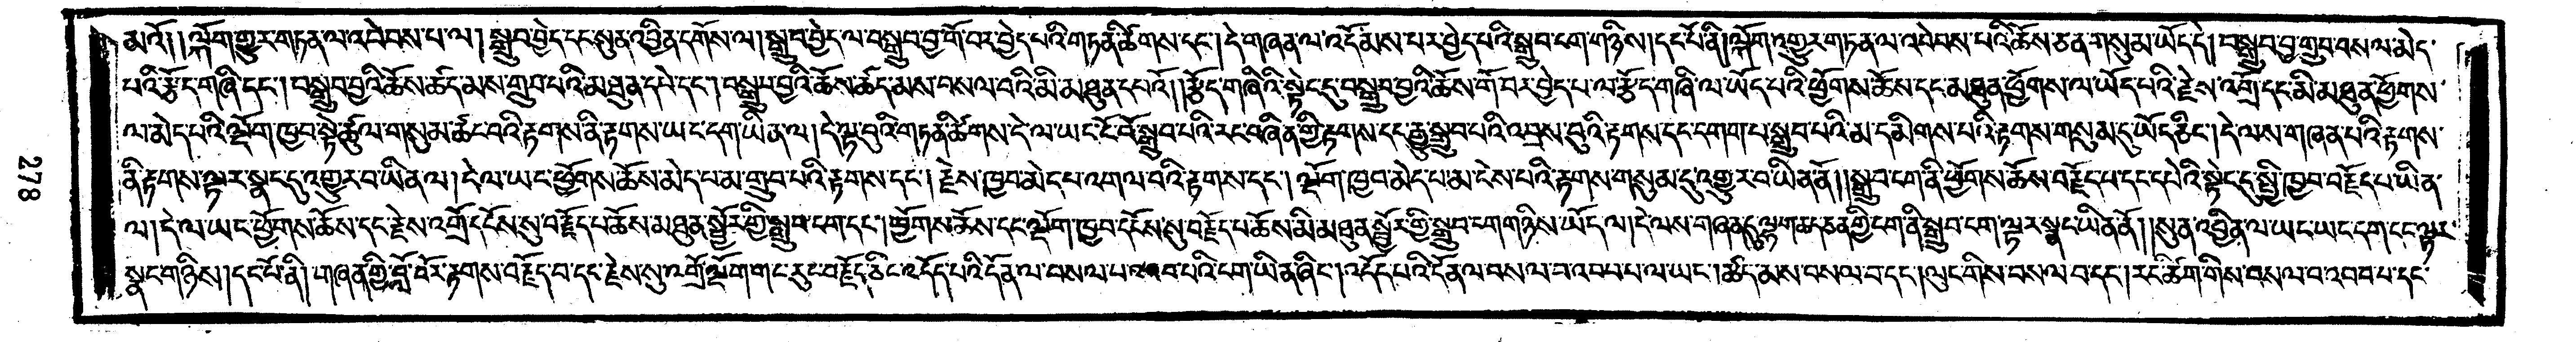མའོ༑ ༑ལྐོག་གྱུར་གཏན་ལ་འབེབས་པ་ལ། སྒྲུབ་བྱེད་དང་སུན་འབྱིན་དགོས་ལ། སྒྲུབ་བྱེད་ལ་བསྒྲུབ་བྱ་གོ་བར་བྱེད་པའི་གཏན་ཚིགས་དང་། དེ་གཞན་ལ་འདོམས་པར་བྱེད་པའི་སྒྲུབ་ངག་གཉིས། དང་པོ་ནི། ལྐོག་འགྱུར་གཏན་ལ་འབེབས་པའི་ཆོས་ཅན་གསུམ་ཡོད་དེ། བསྒྲུབ་བྱ་གྲུབ་བསལ་མེད་
པའི་རྩོད་གཞི་དང་། བསྒྲུབ་བྱའི་ཆོས་ཚད་མས་གྲུབ་པའི་མཐུན་དཔེ་དང་། བསྒྲུབ་བྱའི་ཆོས་ཚད་མས་བསལ་བའི་མི་མཐུན་དཔེའོ། །རྩོད་གཞིའི་སྟེང་དུ་བསྒྲུབ་བྱའི་ཆོས་གོ་བར་བྱེད་པ་ལ་རྩོད་གཞི་ལ་ཡོད་པའི་ཕྱོགས་ཆོས་དང་མཐུན་ཕྱོགས་ལ་ཡོད་པའི་རྗེས་འགྲོ་དང་མི་མཐུན་ཕྱོགས་
ལ་མེད་པའི་ལྡོག་ཁྱབ་སྟེ་ཚུལ་གསུམ་ཚང་བའི་རྟགས་ནི་རྟགས་ཡང་དག་ཡིན་ལ། དེ་ལྟ་བུའི་གཏན་ཚིགས་དེ་ལ་ཡང་ངོ་བོ་སྒྲུབ་པའི་རང་བཞིན་གྱི་རྟགས་དང་རྒྱུ་སྒྲུབ་པའི་འབྲས་བུའི་རྟགས་དང་དགག་པ་སྒྲུབ་པའི་མ་དམིགས་པའི་རྟགས་གསུམ་དུ་ཡོད་ཅིང་། དེ་ལས་གཞན་པའི་རྟགས་
ནི་རྟགས་ལྟར་སྣང་དུ་འགྱུར་བ་ཡིན་ལ། དེ་ལ་ཡང་ཕྱོགས་ཆོས་མེད་པ་མ་གྲུབ་པའི་རྟགས་དང་། རྗེས་ཁྱབ་མེད་པ་འགལ་བའི་རྟགས་དང་། ལྡོག་ཁྱབ་མེད་པ་མ་ངེས་པའི་རྟགས་གསུམ་དུ་འགྱུར་བ་ཡིན་ནོ། །སྒྲུབ་ངག་ནི་ཕྱོགས་ཆོས་བརྗོད་པ་དང་དཔེའི་སྟེང་དུ་སྤྱི་ཁྱབ་བརྗོད་པ་ཡིན་
ལ། དེ་ལ་ཡང་ཕྱོགས་ཆོས་དང་རྗེས་འགྲོ་དངོས་སུ་བརྗོད་པ་ཆོས་མཐུན་སྦྱོར་གྱི་སྒྲུབ་ངག་དང་། ཕྱོགས་ཆོས་དང་ལྡོག་ཁྱབ་དངོས་སུ་བརྗོད་པ་ཆོས་མི་མཐུན་སྦྱོར་གྱི་སྒྲུབ་ངག་གཉིས་ཡོད་ལ། དེ་ལས་གཞན་དུ་ལྷག་ཆད་ཅན་གྱི་ངག་ནི་སྒྲུབ་ངག་ལྟར་སྣང་ཡིན་ནོ། །སུན་འབྱིན་ལ་ཡང་ཡང་དག་དང་ལྟར་
སྣང་གཉིས། དང་པོ་ནི། གཞན་གྱི་བློ་ངོར་རྟགས་བརྗོད་པ་དང་རྗེས་སུ་འགྲོ་ལྡོག་གང་རུང་བརྗོད་ཅིང་འདོད་པའི་དོན་ལ་བསལ་བ་འབབ་པའི་ངག་ཡིན་ཞིང་། འདོད་པའི་དོན་ལ་བསལ་བ་འབབ་པ་ལ་ཡང་། ཚད་མས་བསལ་བ་དང་། ལུང་གིས་བསལ་བ་དང་། རང་ཚིག་གིས་བསལ་བ་འབབ་པ་དང་